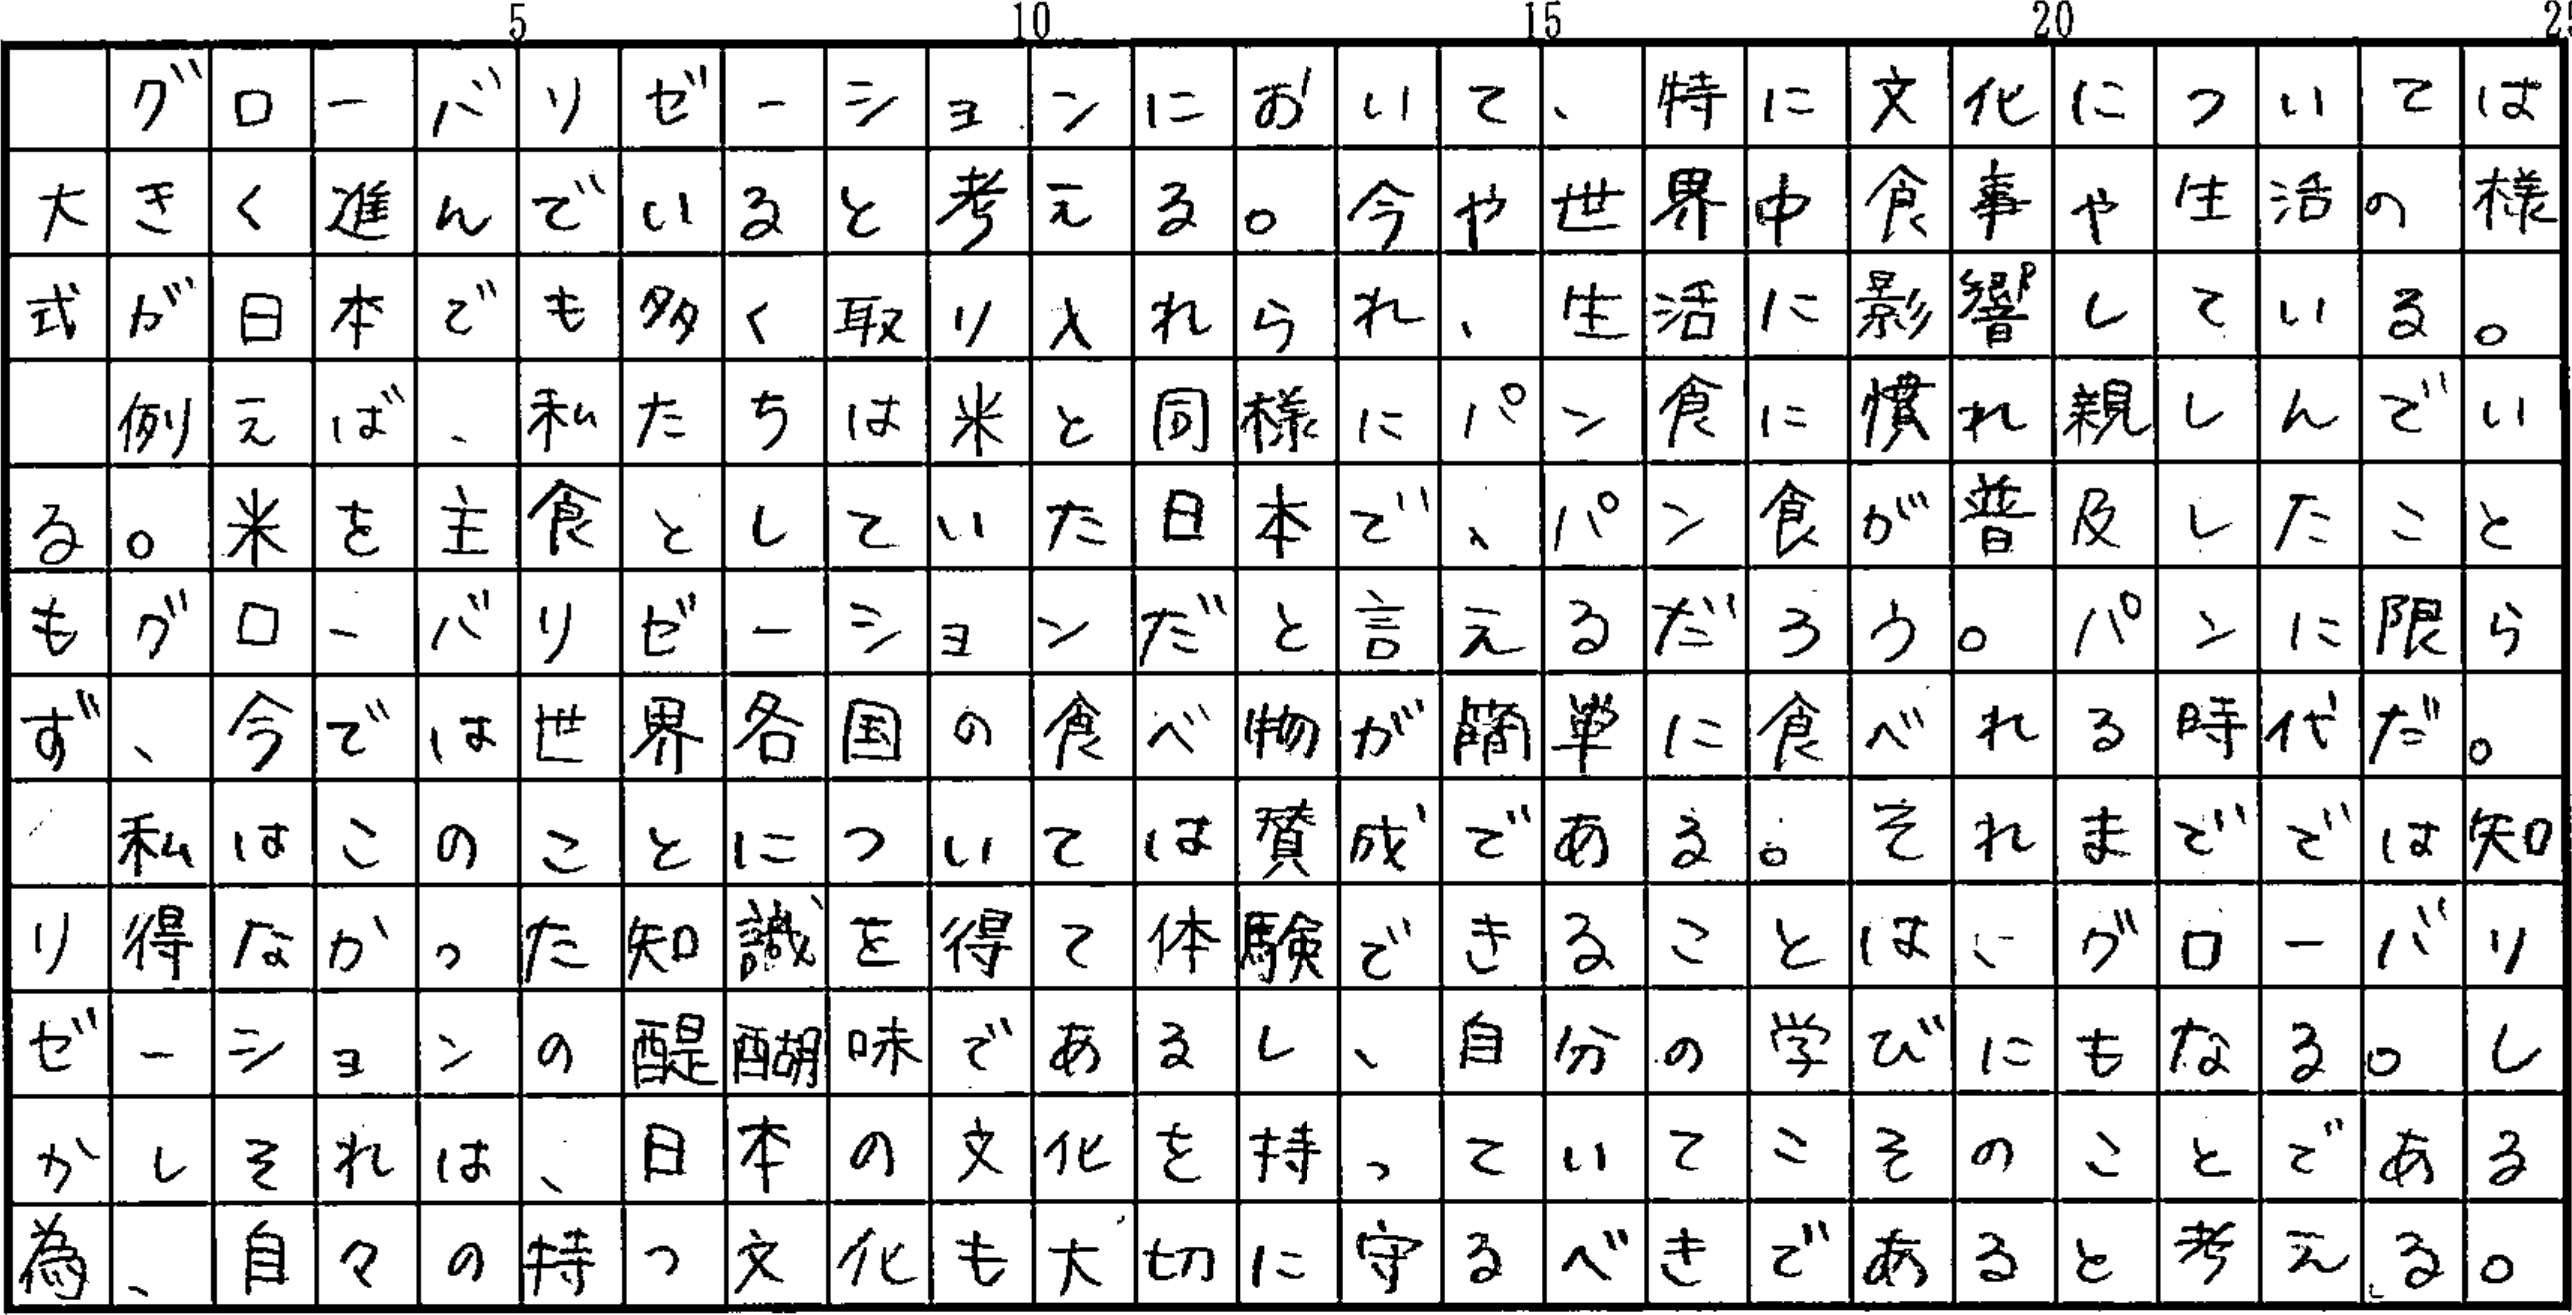　グローバリゼーションにおいて、特に文化については大きく進んでいると考える。いまや世界中食事や生活の様式が日本でも多く取り入れられ、生活に影響している。
　例えば、私たちは米と同様にパン食に慣れ親しんでいる。米を主食としていた日本で、パン食が普及したこともグローバリゼーションだと言えるだろう。パンに限らず、今では世界各国の食べ物が簡単に食べれる時代だ。
　私はこのことについては賛成である。それまででは知りえなかった知識を得て体験できることは、グローバリゼーションの醍醐味であるし、自分の学びにもなる。しかしそれは、日本の文化を持っていてこそのことである為、自々の持つ文化も大切に守るべきであると考える。
